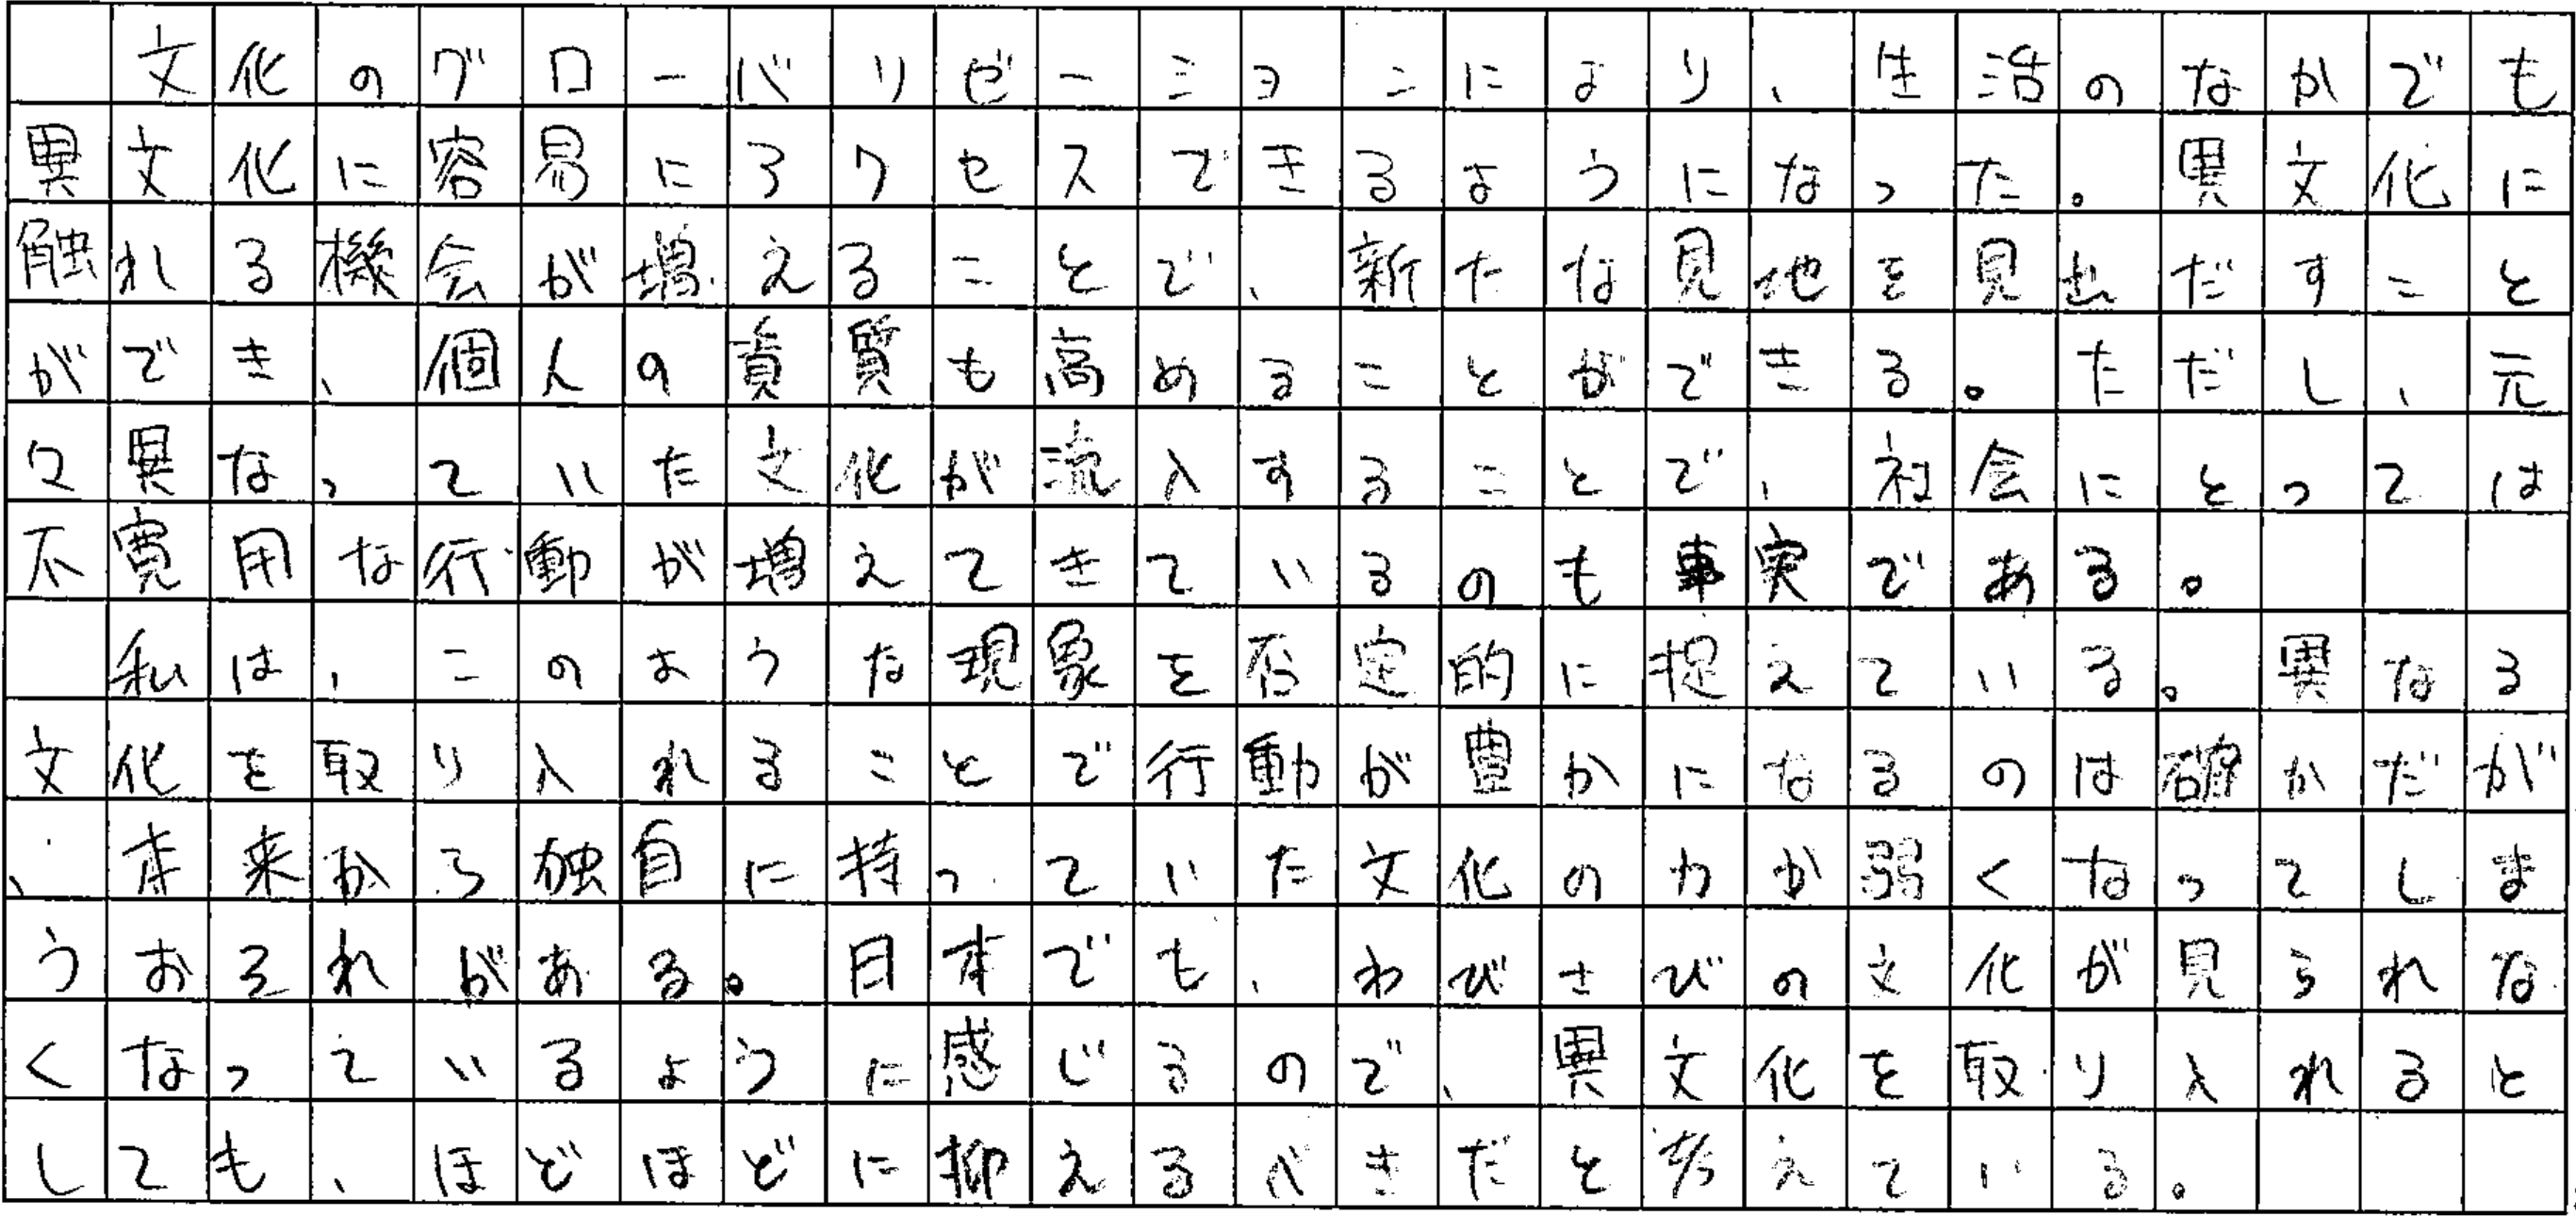　文化のグローバリゼーションにより、生活のなかでも異文化に容易にアクセスできるようになった。異文化に触れる機会が増えることで、新たな見地を見出すことができ、個人の資質も高めることができる。ただし、元々異なっていた文化が流入することで、社会にとっては不寛用な行動が増えてきているのも事実である。
　私は、このような現象を否定的に捉えている。異なる文化を取り入れることで行動が豊かになるのは確かだが、本来から独自に持っていた文化の力が弱くなってしまうおそれがある。日本でも、わびさびの文化が見られなくなっているように感じるので、異文化を取り入れるとしても、ほどほどに抑えるべきだと考えている。
